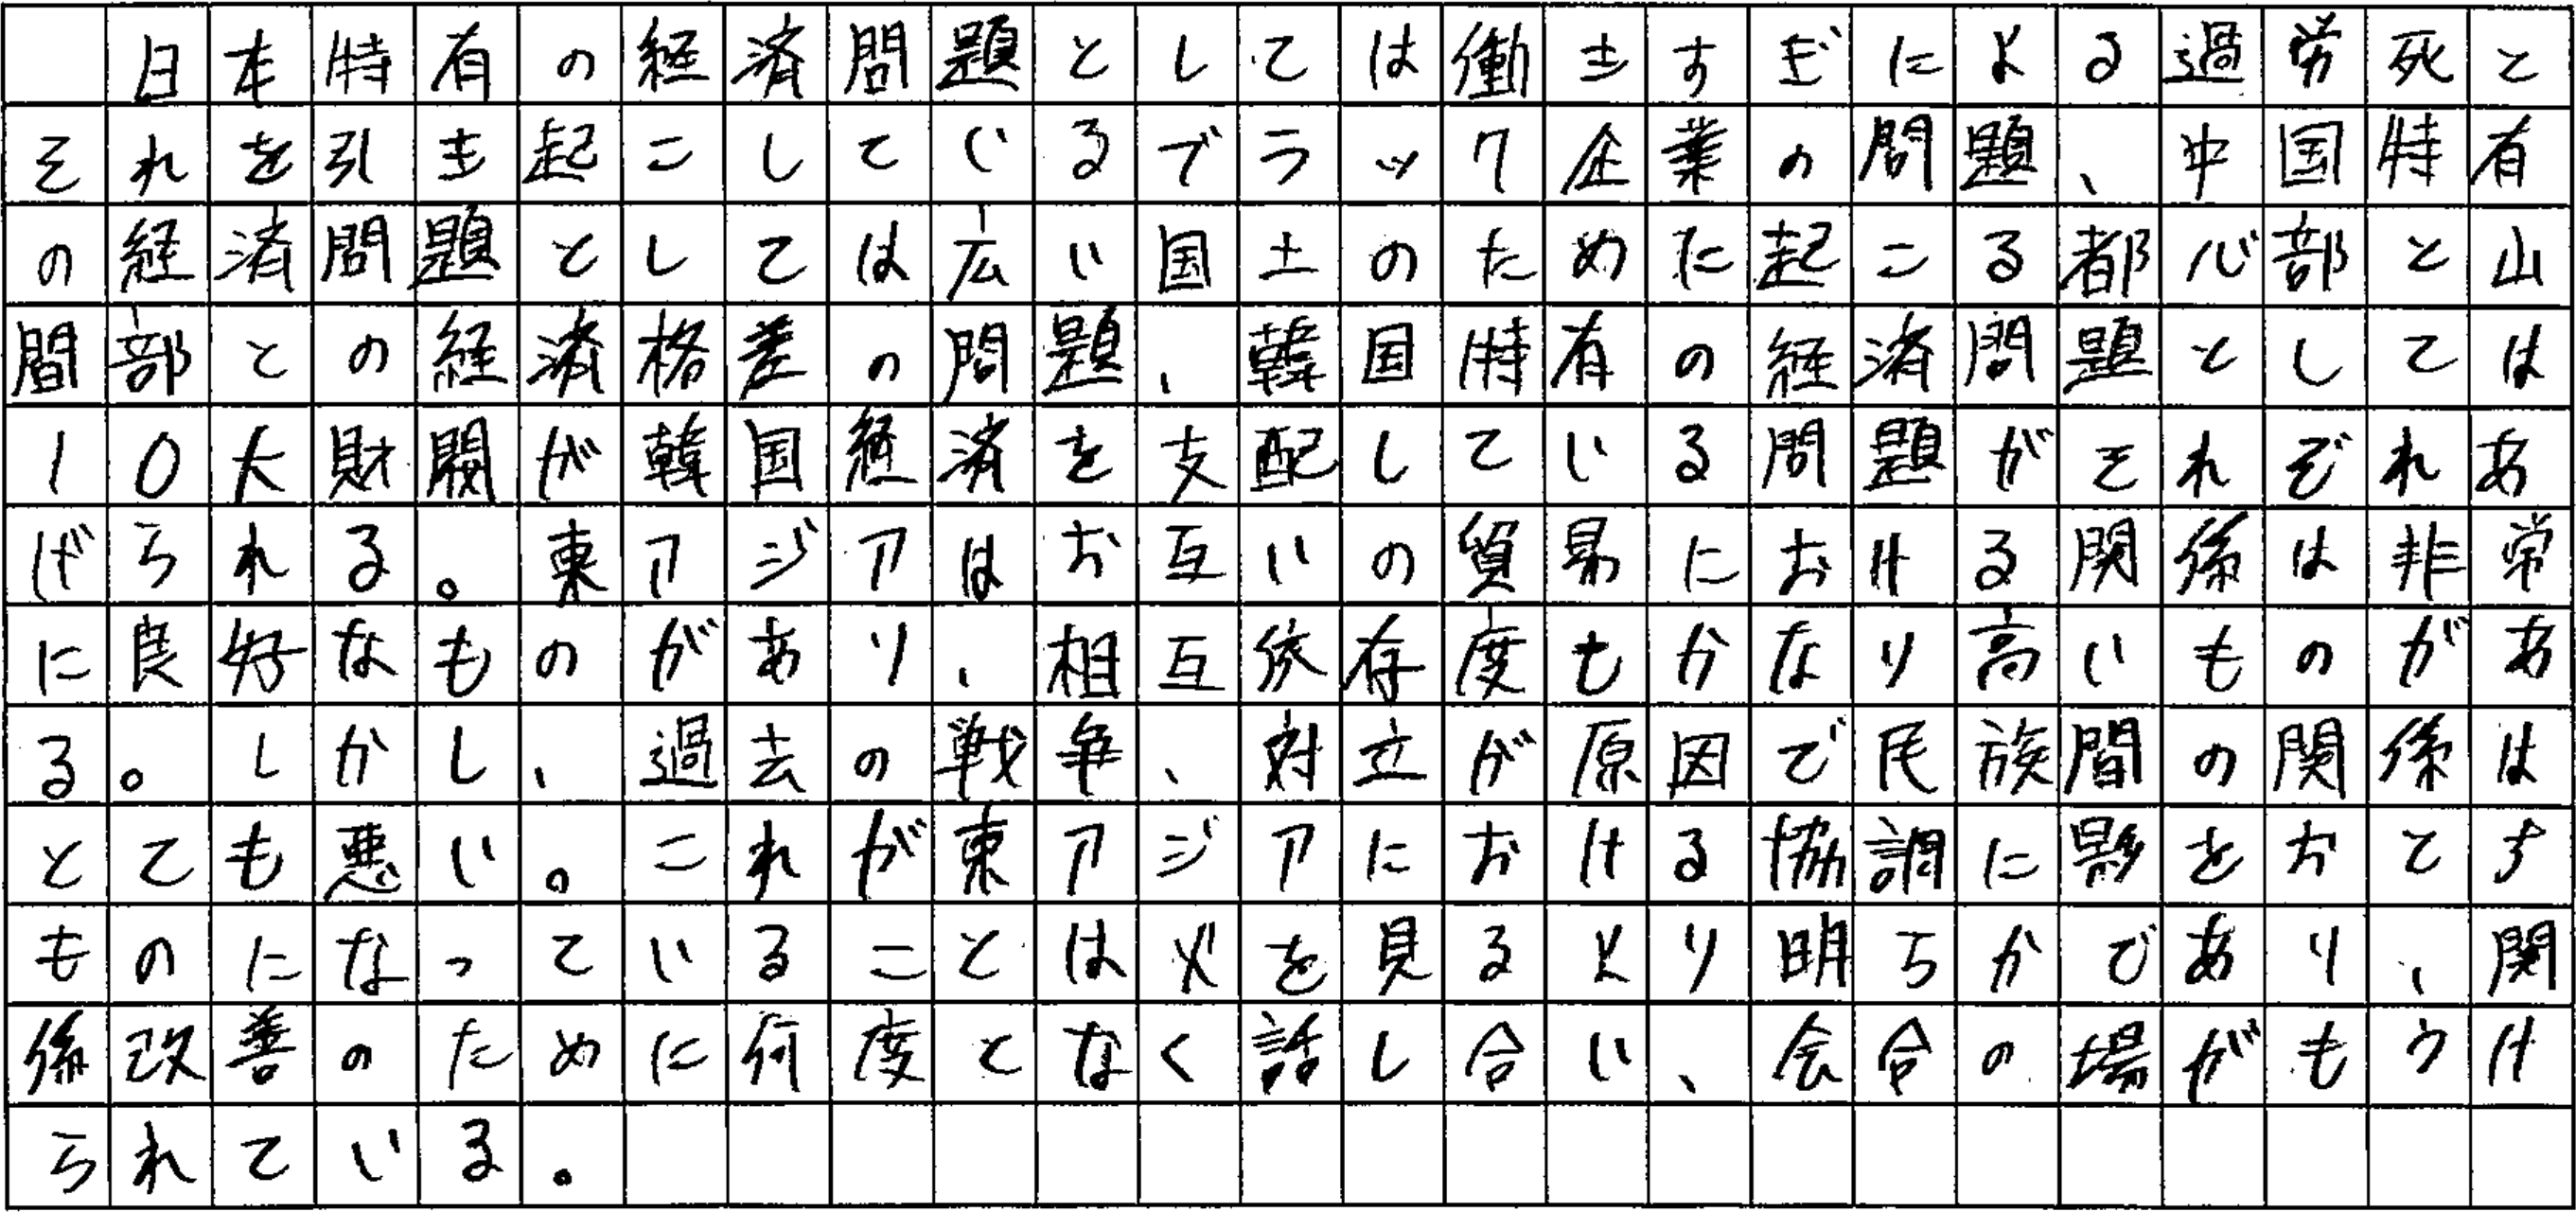　日本特有の経済問題としては働きすぎによる過労死とそれを引き起こしているブラック企業の問題、中国特有の経済問題としては広い国土のために起こる都心部と山間部との経済格差の問題、韓国特有の経済問題としては１０大財閥が韓国経済を支配している問題がそれぞれあげられる。東アジアはお互いの貿易における関係は非常に良好なものがあり、相互依存度もかなり高いものがある。しかし、過去の戦争、対立が原因で民族間の関係はとても悪い。これが東アジアにおける協調に影をおとすものになっていることは火を見るより明らかであり、関係改善のために何度となく話し合い、会合の場がもうけられている。
